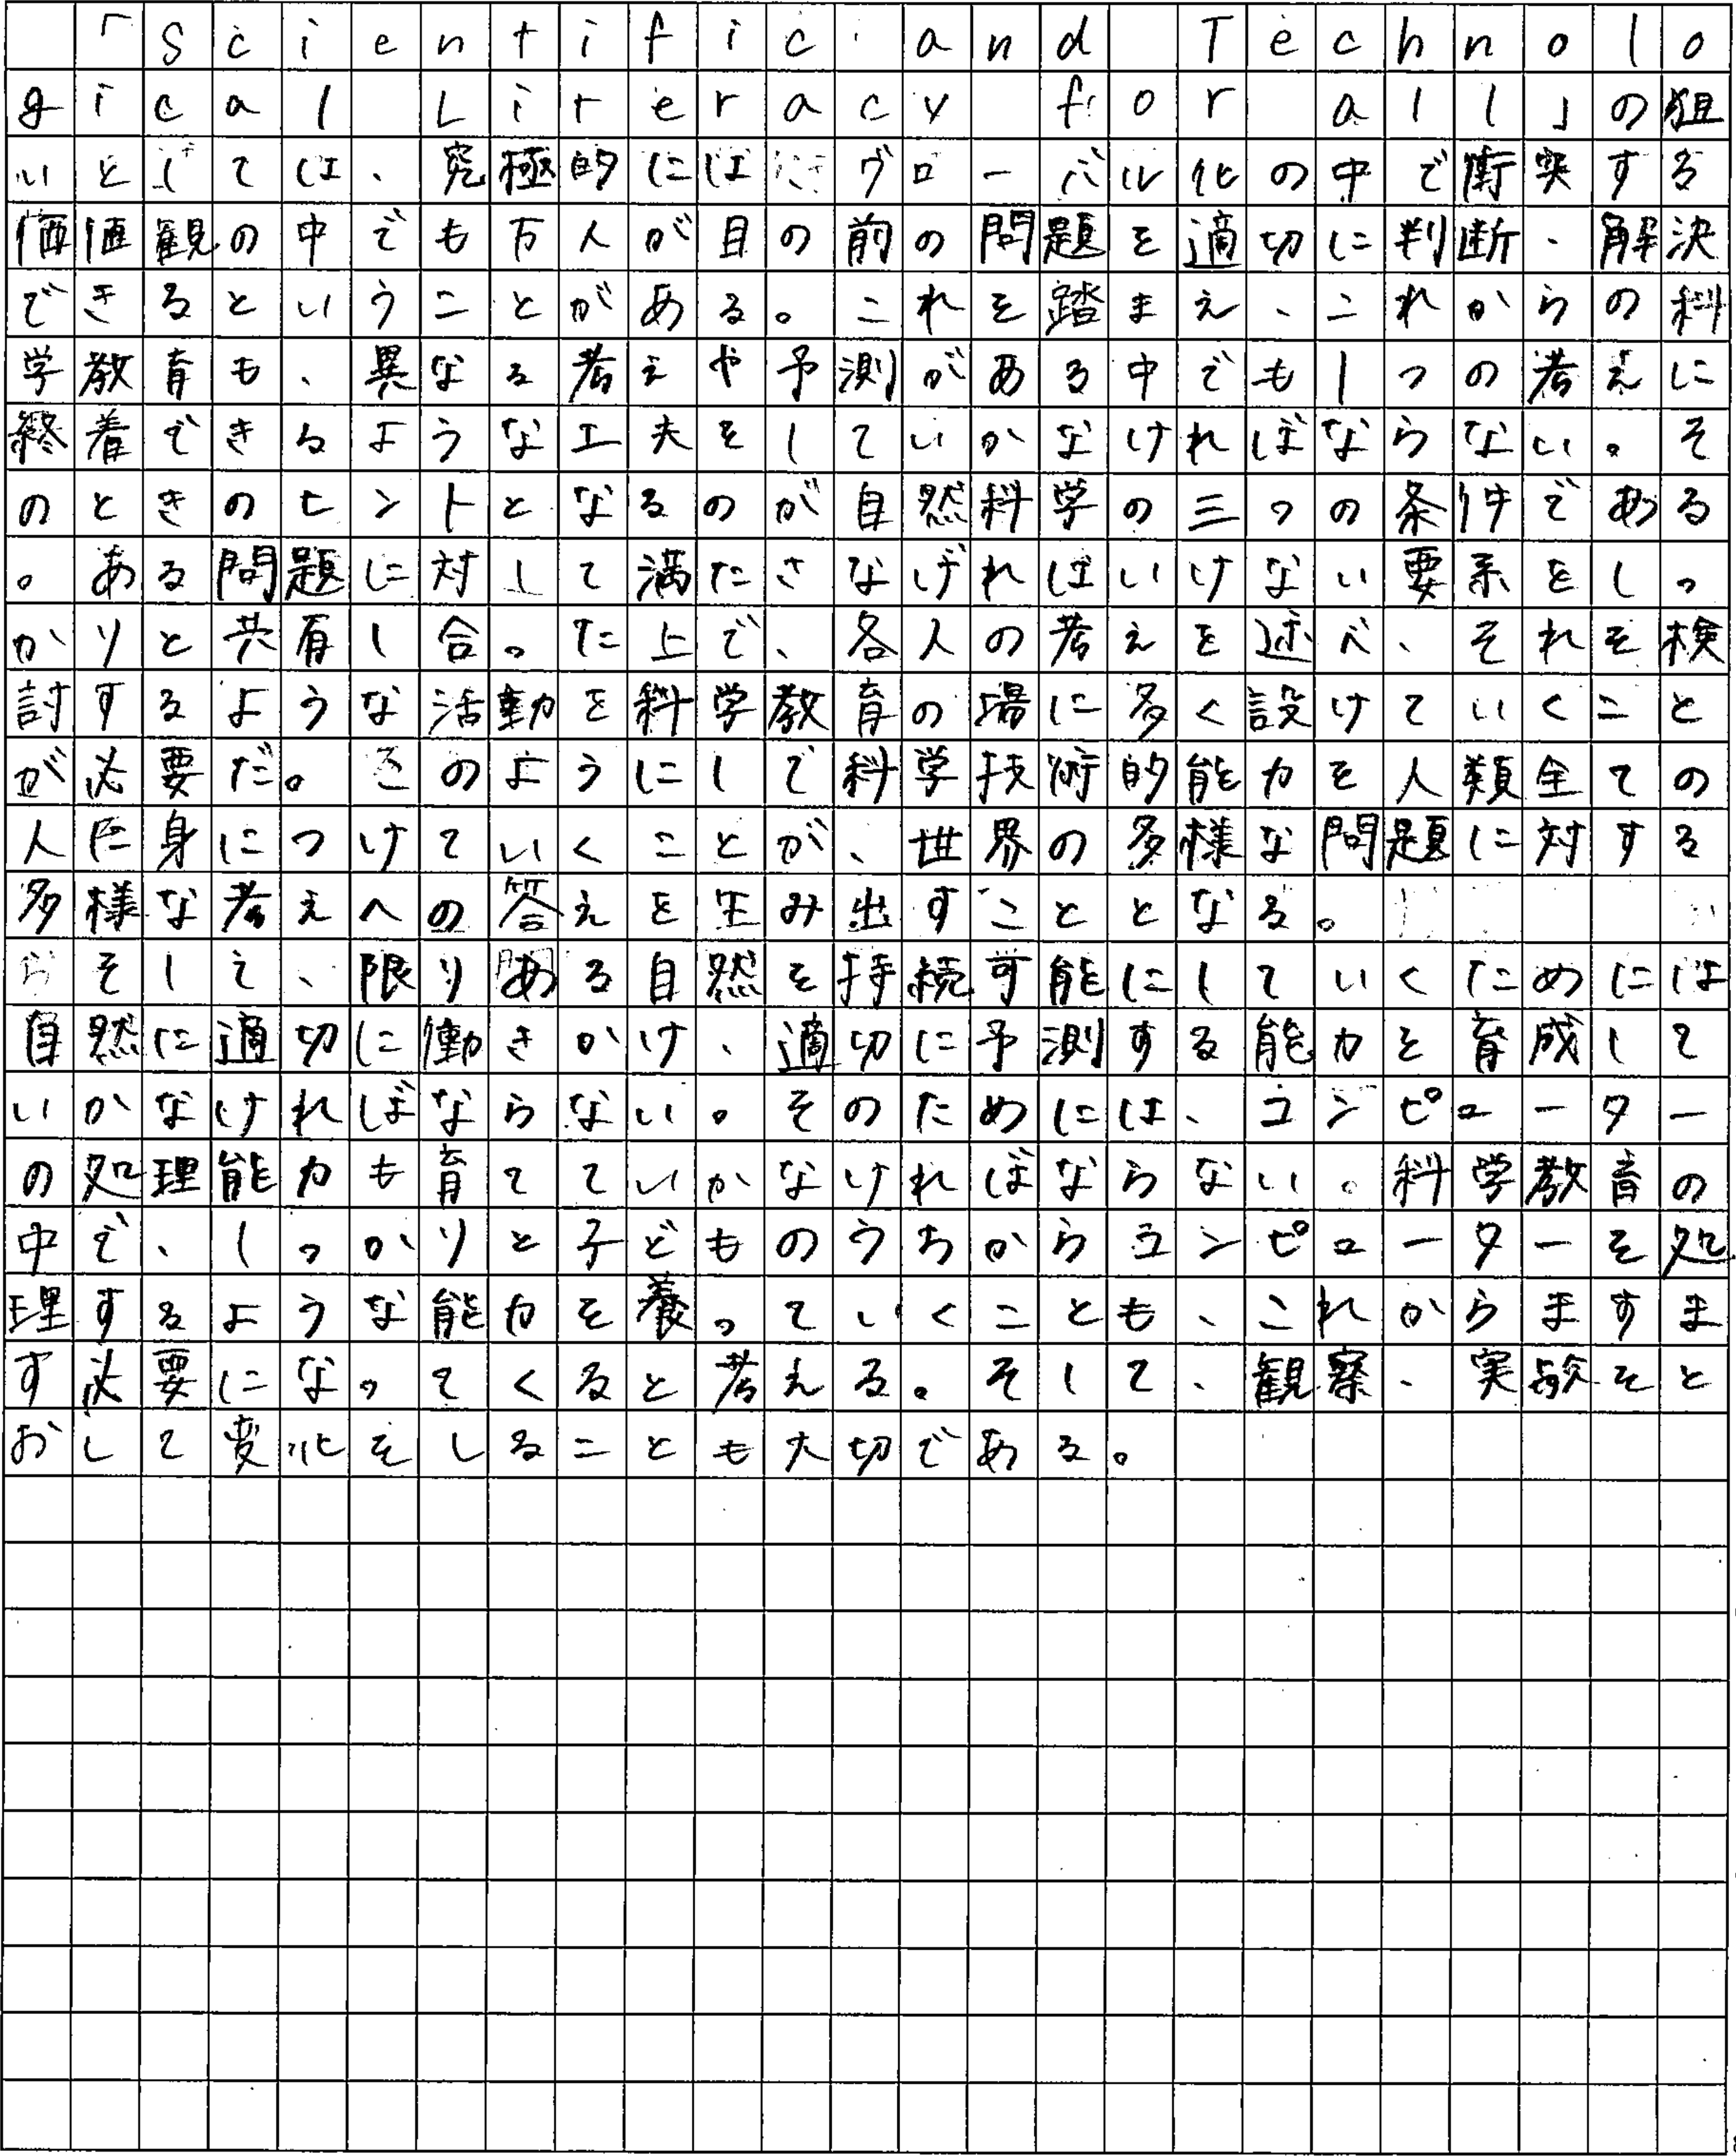　「Ｓｃｉｅｎｔｉｆｉｃ　ａｎｄ　Ｔｅｃｈｎｏｌｏｇｉｃａｌ　Ｌｉｔｅｒａｃｙ　ｆｏｒ　ａｌｌ」の狙いとしては、究極的には、グローバル化の中で衝突する価値観の中でも万人が目の前の問題を適切に判断・解決できるということがある。これを踏まえ、これからの科学教育も、異なる考えや予測がある中でも１つの考えに終着できるような工夫をしていかなければならない。そのときのヒントとなるのが自然科学の三つの条件である。ある問題に対して満たさなければいけない要素をしっかりと共有し合った上で、各人の考えを述べ、それを検討するような活動を科学教育の場に多く設けていくことが必要だ。このようにして科学技術的能力を人類全ての人に身につけていくことが、世界の多様な問題に対する多様な考えへの答えを生み出すこととなる。
　そして、限りある自然を持続可能にしていくためには自然に適切に働きかけ、適切に予測する能力を育成していかなければならない。そのためには、コンピューターの処理能力も育てていかなければならない。科学教育の中で、しっかり子どものうちからコンピューターを処理するような能力を養っていくことも、これからますます必要になってくると考える。そして、観察、実験をとおして変化をしることも大切である。
